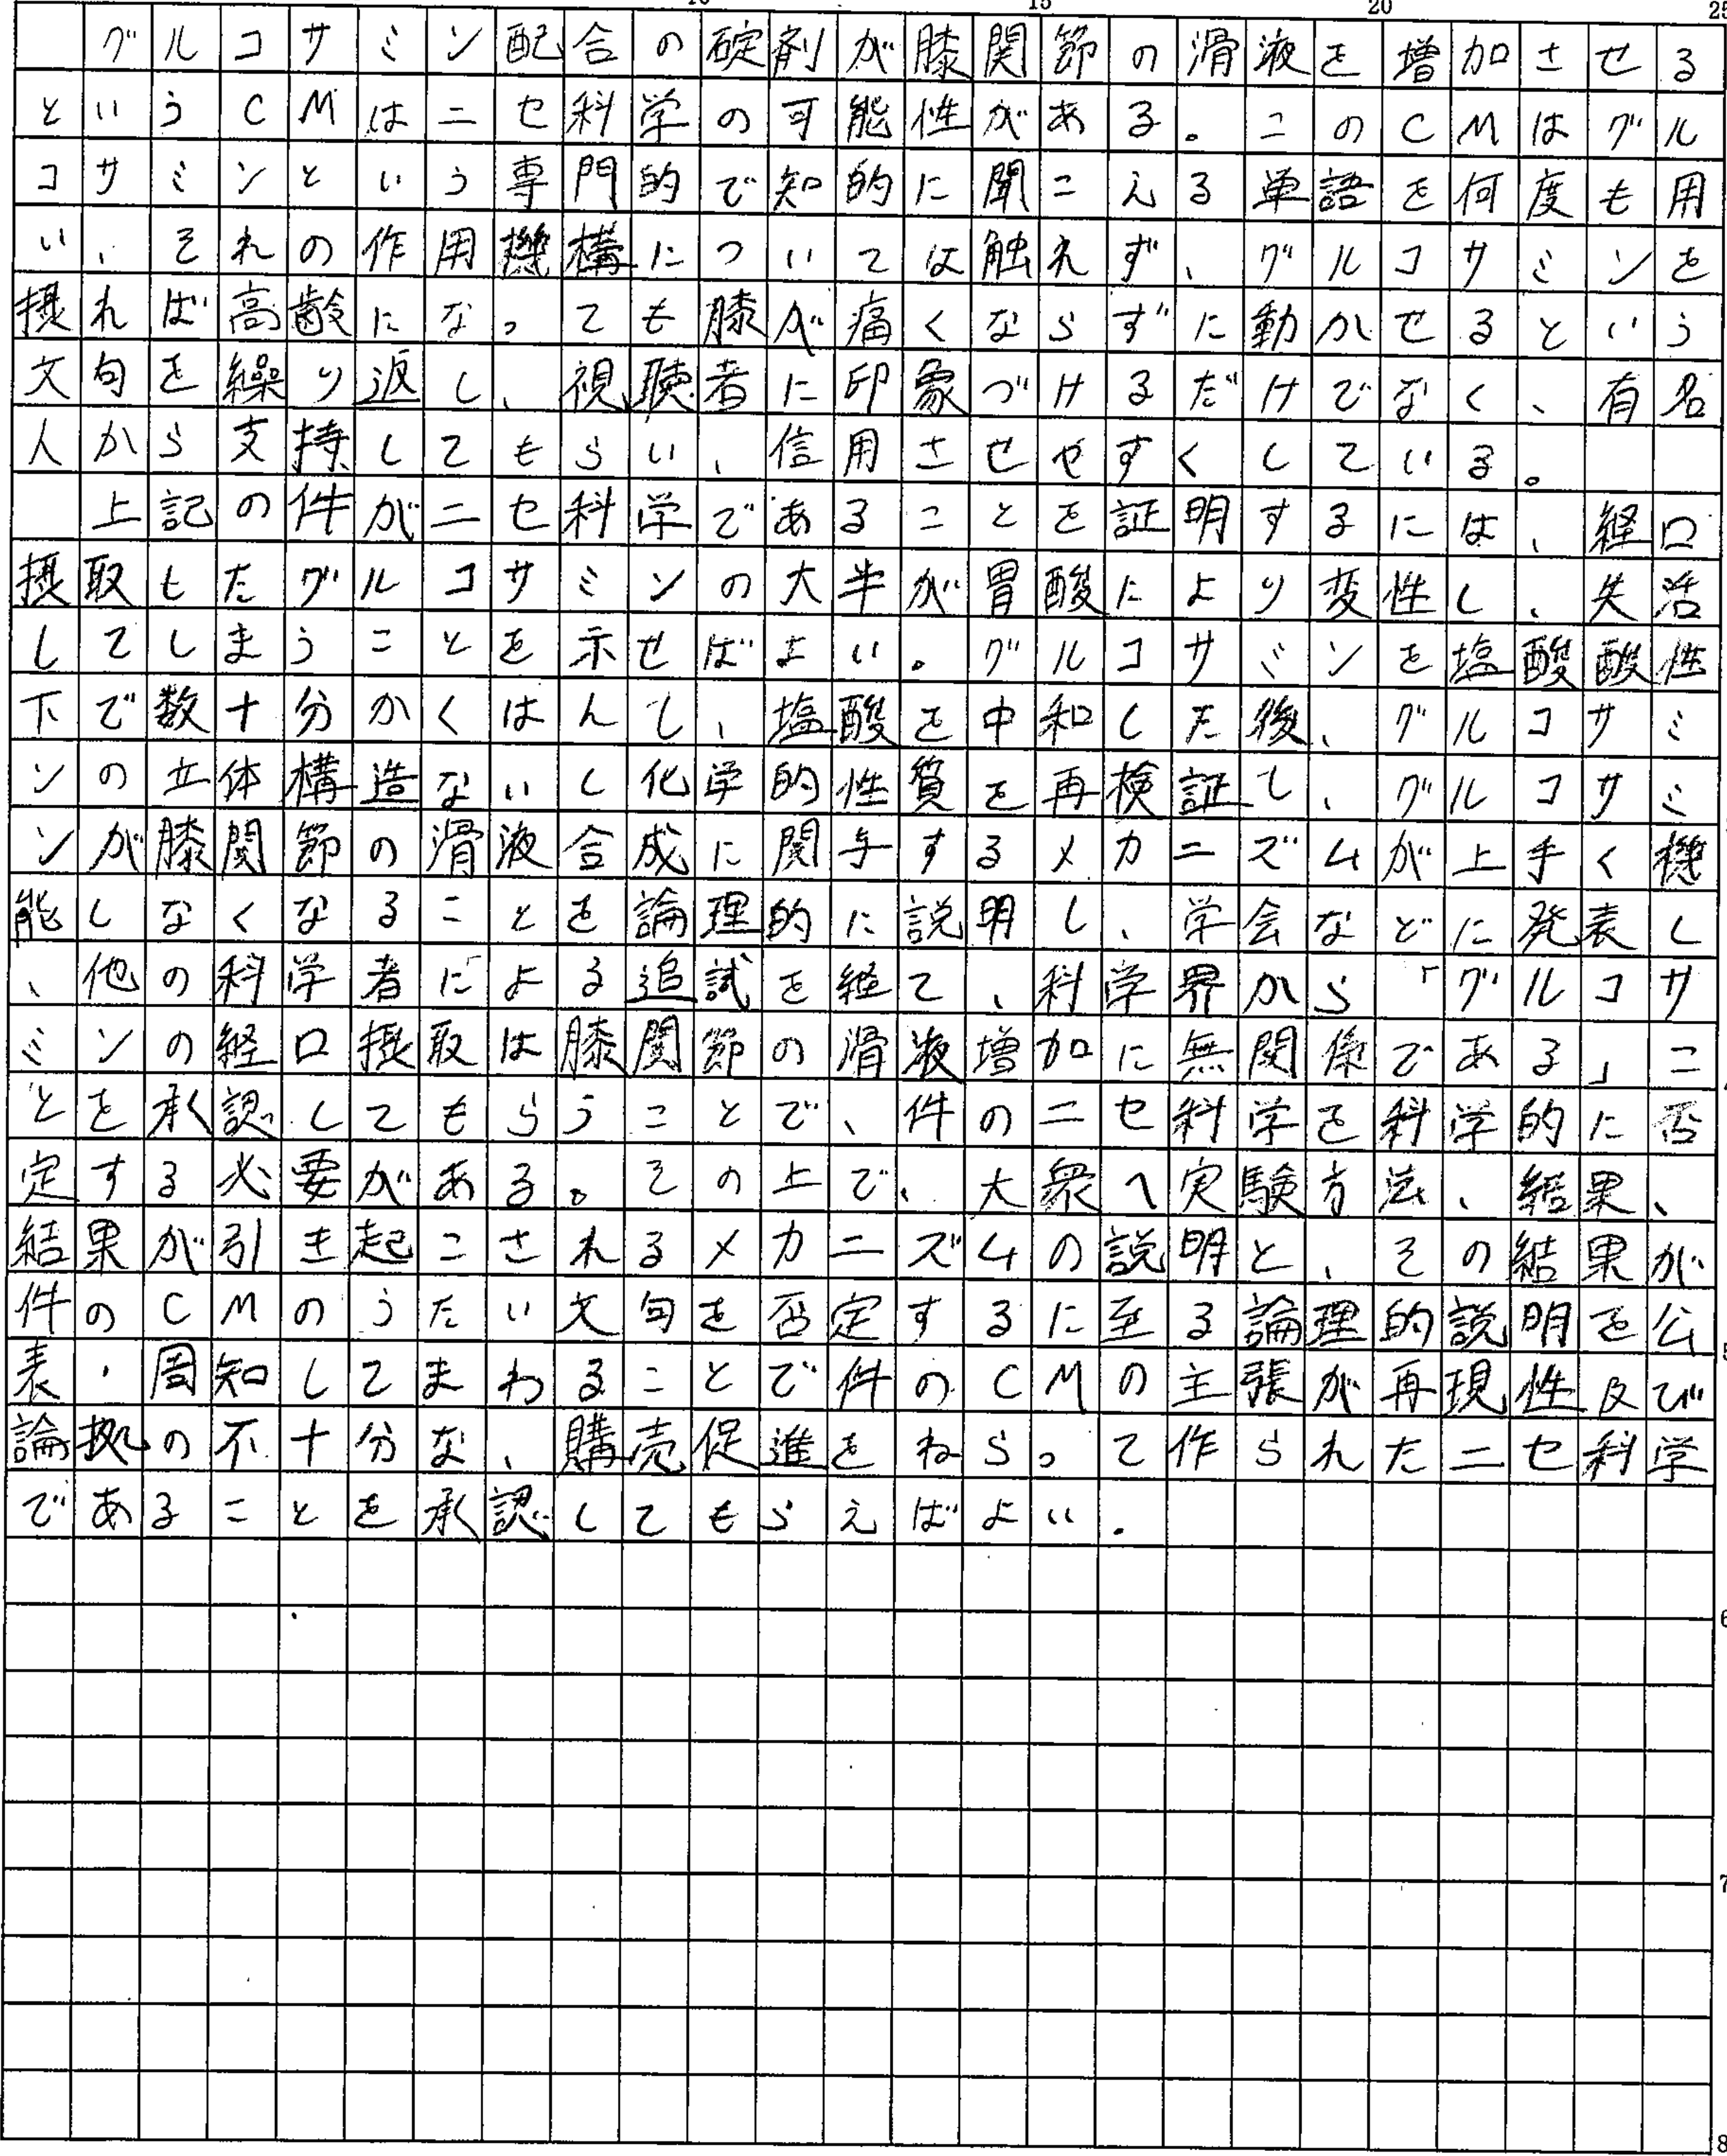　グルコサミン配合の碇剤が膝関節の滑液を増加させるというＣＭはニセ科学の可能性がある。このＣＭはグルコサミンという専門的で知的に聞こえる単語を何度も用い、それの作用機構については触れず、グルコサミンを摂れば高齢になっても膝が痛くならずに動かせるという文句を繰り返し、視聴者に印象づけるだけでなく、有名人から支持してもらい、信用させやすくしている。
　上記の件がニセ科学であることを証明するには、経口摂取したグルコサミンの大半が胃酸により変性し、失活してしまうことを示せばよい。グルコサミンを塩酸酸性下で数十分かくはんし、塩酸を中和した後、グルコサミンの立体構造ないし化学的性質を再検証し、グルコサミンが膝関節の滑液合成に関与するメカニズムが上手く機能しなくなることを論理的に説明し、学会などに発表し、他の科学者による追試を経て、科学界から「グルコサミンの経口摂取は膝関節の滑液増加に無関係である」ことを承認してもらうことで、件のニセ科学を科学的に否定する必要がある。その上で、大衆へ実験方法、結果、結果が引き起こされるメカニズムの説明と、その結果が件のＣＭのうたい文句を否定するに至る論理的説明を公表・周知してまわることで件のＣＭの主張が再現性及び論拠の不十分な、購売促進をねらって作られたニセ科学であることを承認してもらえばよい。
